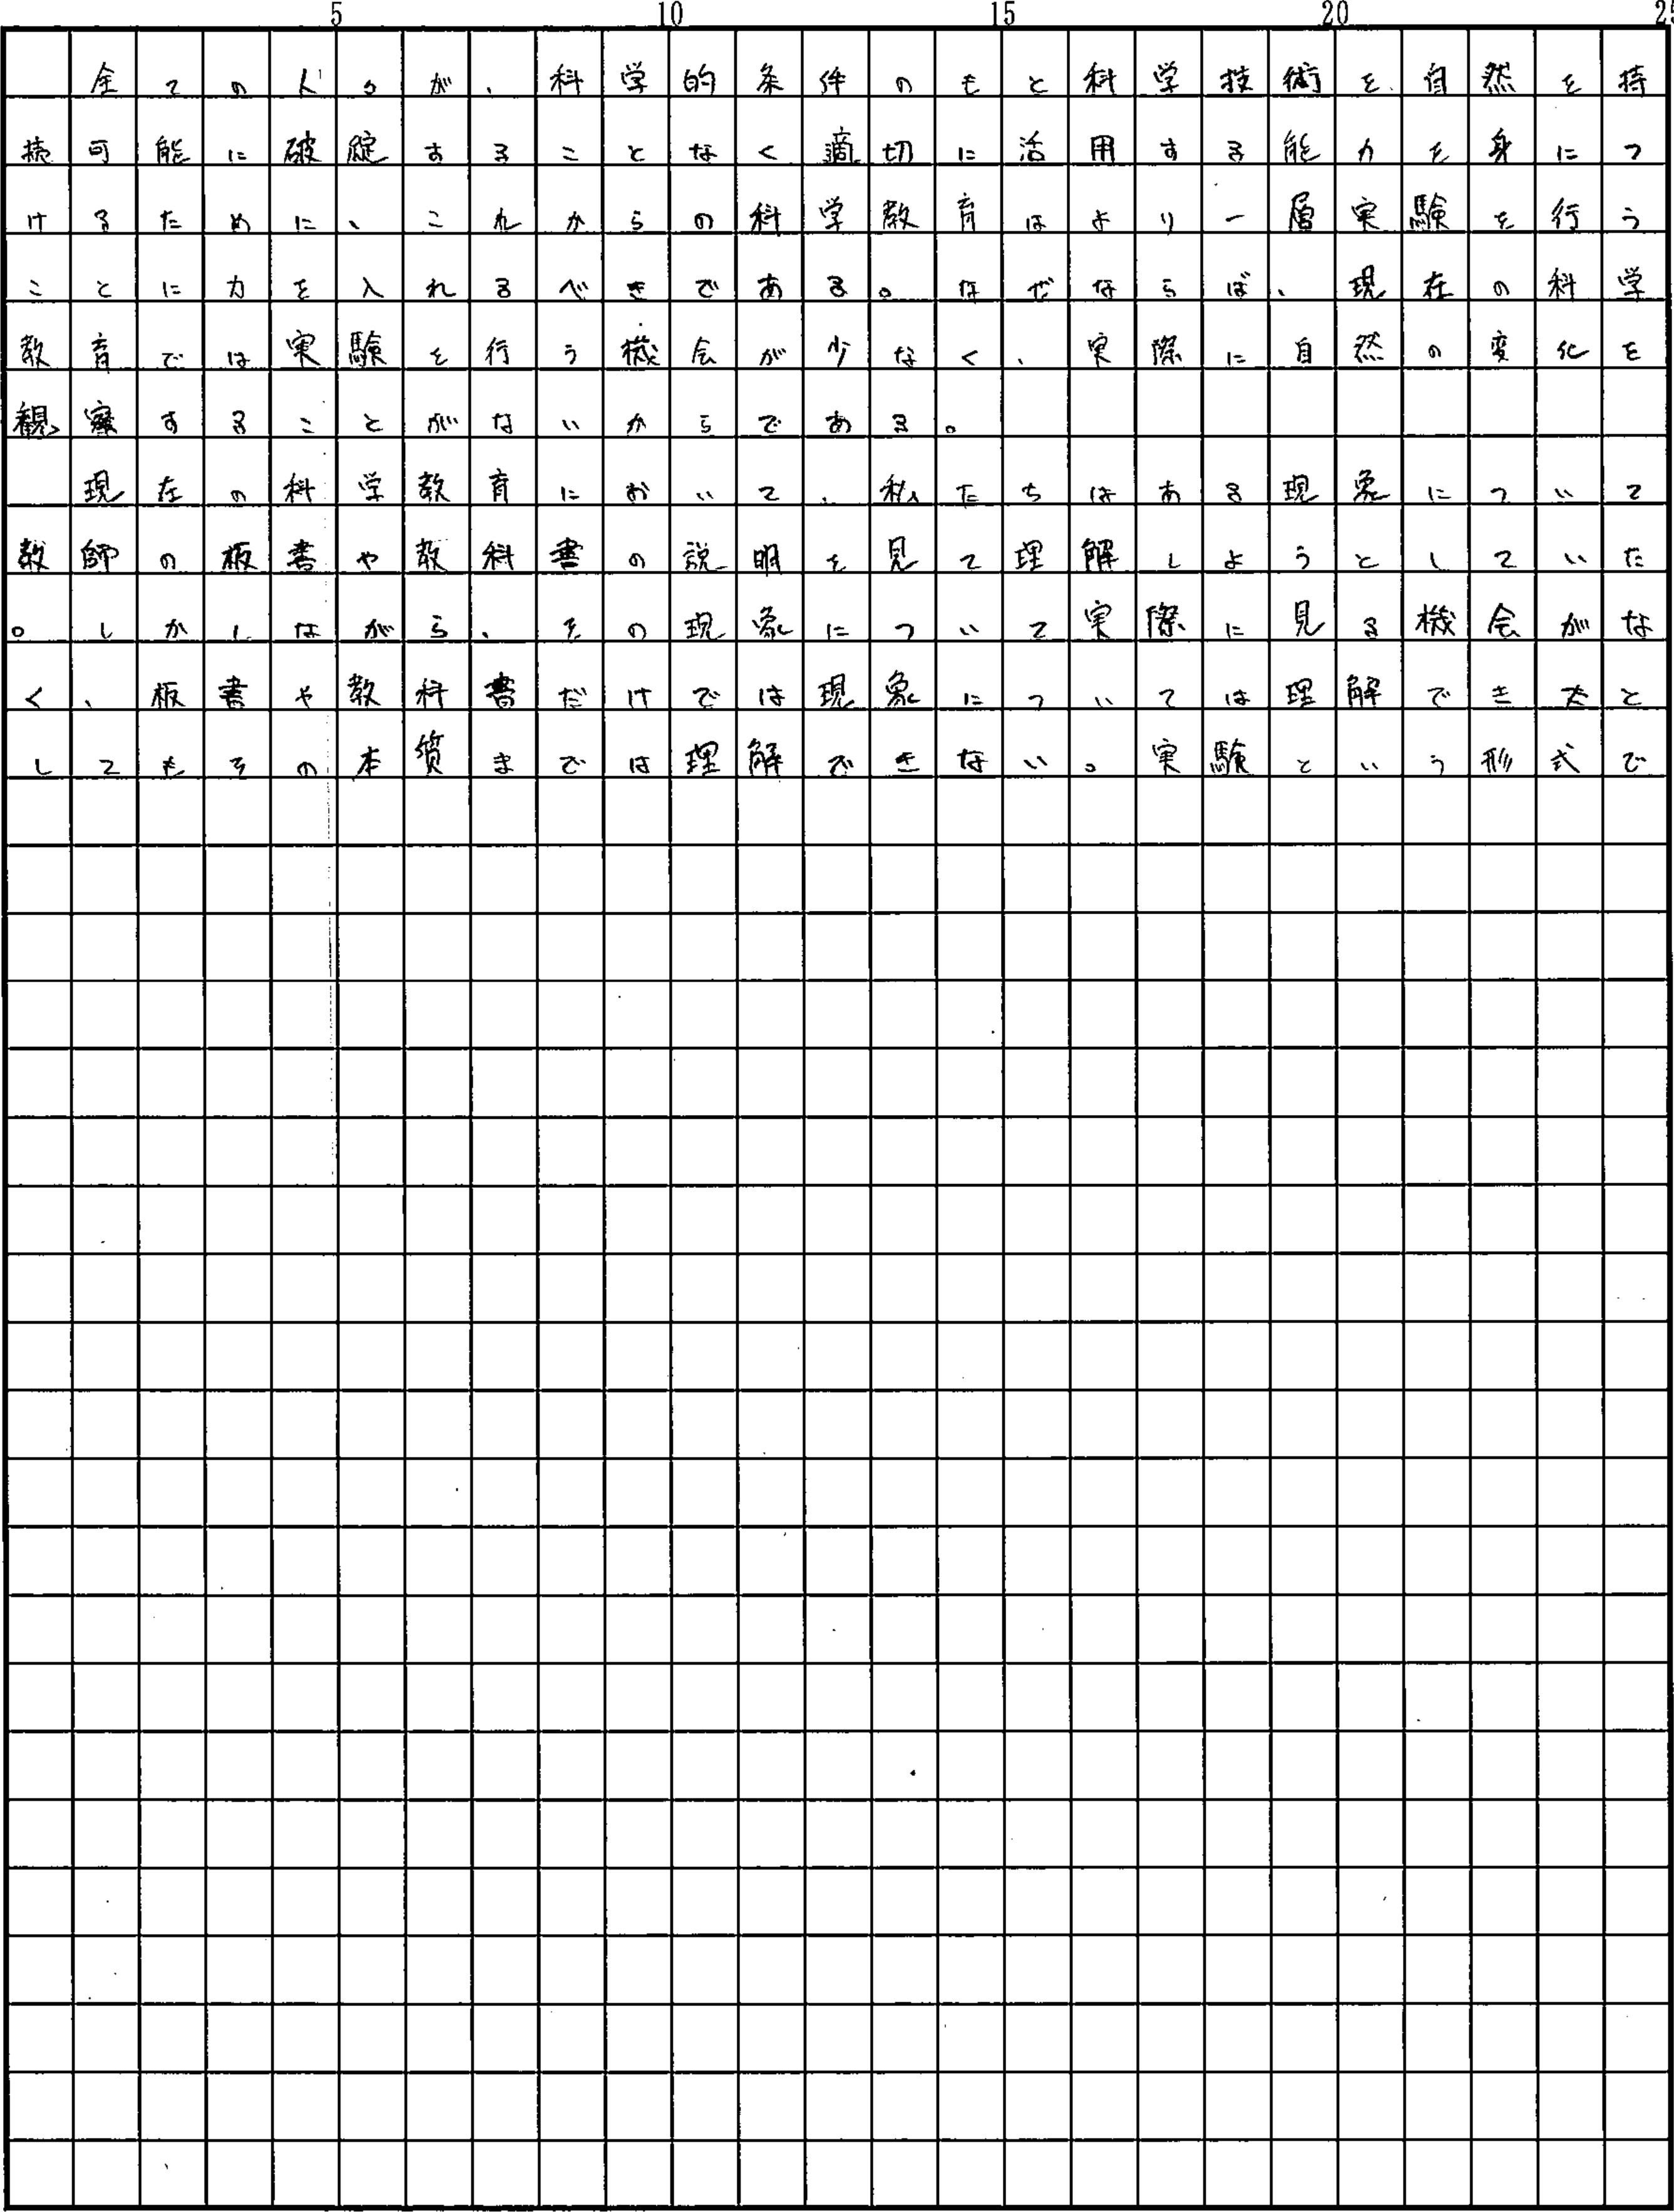　全ての人々が、科学的条件のもと科学技術を自然を持続可能に破綻することなく適切に活用する能力を身につけるために、これからの科学教育はより一層実験を行うことに力を入れるべきである。なぜならば、現在の科学教育では実験を行う機会が少なく、実際に自然の変化を観察することがないからである。
　現在の科学教育において、私たちはある現象について教師の板書や教科書の説明を見て理解しようとしていた。しかしながら、その現象について実際に見る機会がなく、板書や教科書だけでは現象については理解できたとしてもその本質までは理解ができない。実験という形式で
